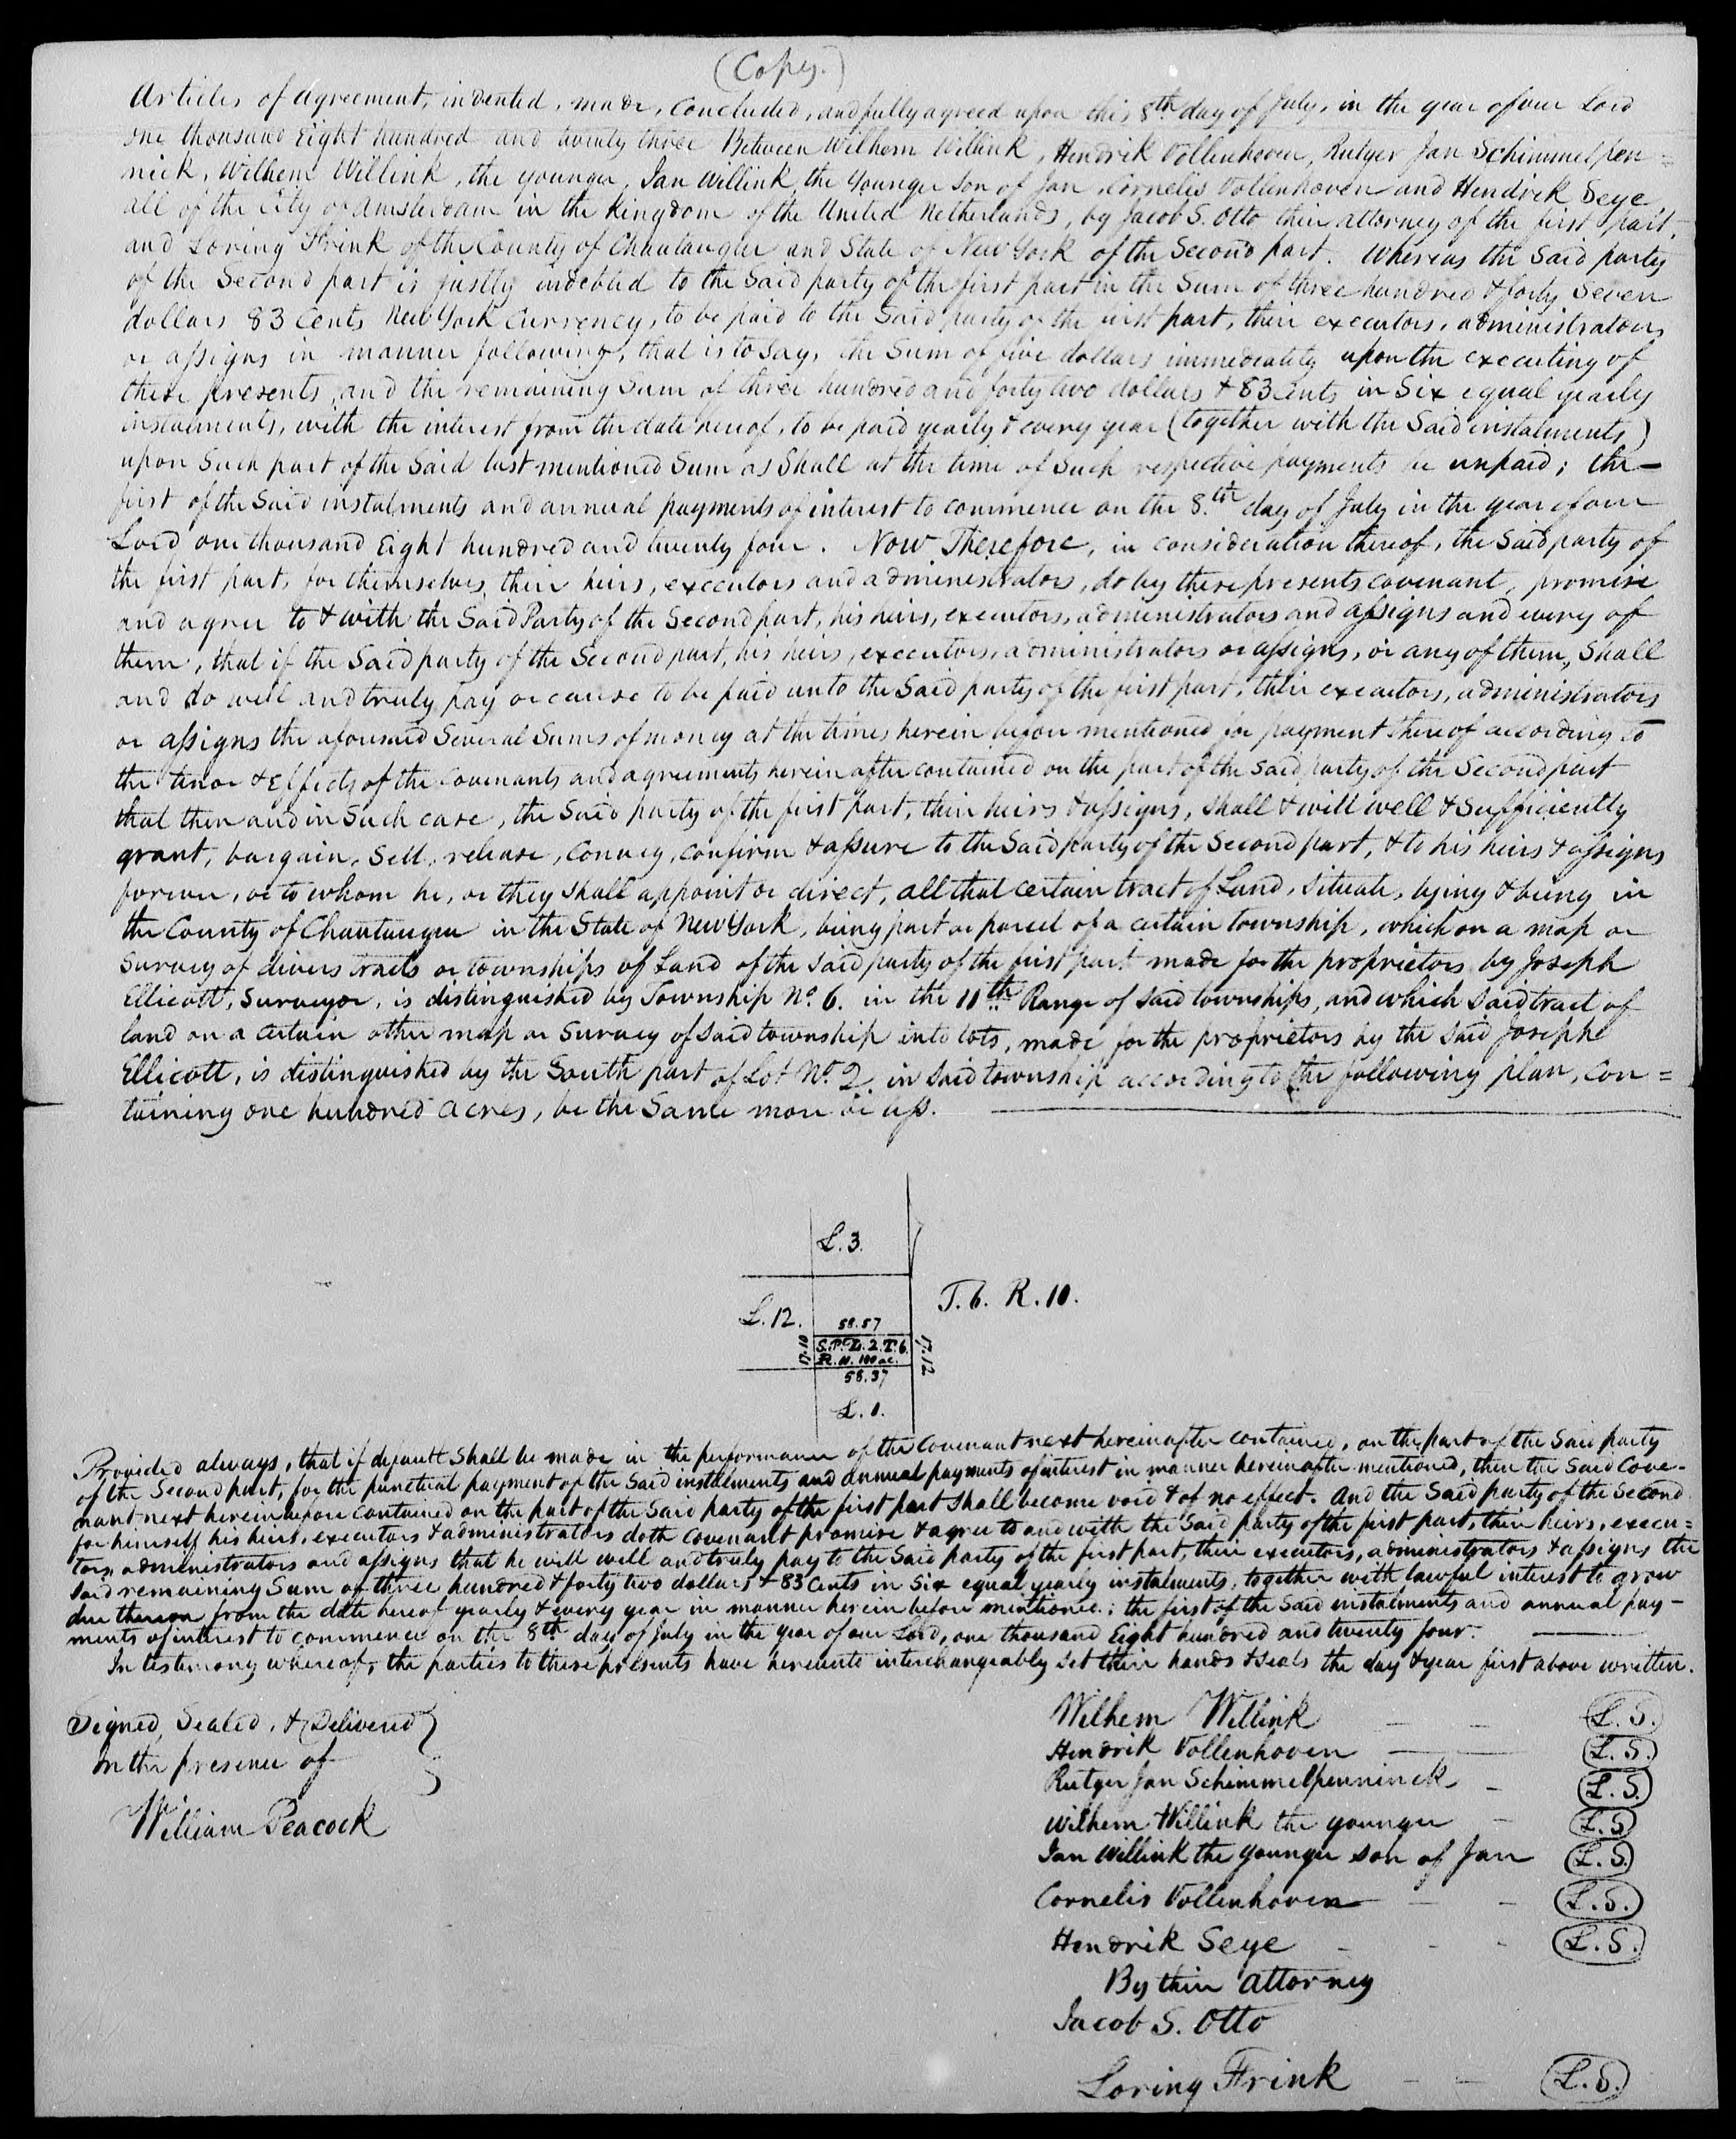)Copy) 
Articles of agreement, indented, made, concluded, and fully agreed upon this 8th day of July, in the year of our Lord one thousand Eight hundred and twenty three. Between Wilhem Willink, Hendrik Vollenhoven, Rutger Jan Schimmelpennick, Wilhem Willink the younger, Jan Willink the younger son of Jan Cornelis Vollenhoven and Hendrik Seye, all of the City of Amsterdam in the Kingdom of the United Netherlands, by Jacob S. Otto their attorney of the first part and Loring Frink of the County of Chautauqua and State of New York of the second part. Whereas the said party of the second part is justly indebted to the said party of the first part in the sum of three hundred & forty seven dollars 83 Cents New York Currency, to be paid to the said party of the first part, their executors, administrators assigns in manner following, that is to say, the sum of five dollars immediately upon the executing of these presents, and the remaining sum of three hundred and forty two dollars & 83 cents in six equal yearly instalments, with the interest from the date hereof, to be paid yearly & every year (together with the said instalments), upon such part of the said last mentioned sum as shall at the time of such respective payments be unpaid; the first of the said instalments and annual payments of interest to commence on the 8th day of July in the year of our Lord one thousand Eight hundred and twenty four. 

Now therefore, in consideration thereof, the said party of the first part, for themselves their heirs, executors and administrators, do by these presents covenant, promise and agree to & with the said party of the second part, his heirs, executors, administrators and assigns and every of them, that if the said party of the second part, his heirs, executors, administrators or assigns, or any of them, shall and do well and truly pay or cause to be paid unto the said party of the first part, their executors, administratorsor or assigns the aforesaid several sums of money at the times herein before mentioned for payment thereof according to the tenor & effects of the covenants and agreements herein after contained on the part of the said party of the second part that then and in such case, the said party of the first part, their heirs & assigns, shall & will well & sufficiently grant, bargain, sell, release, convey, confirm & assure to the said party of the second part, & to his heirs & assigns forever, or to whom he or they shall appoint or direct, all that certain tract of Land, situate, lying & being in the County of Chautauqua in the State of New York, being part or parcel of a certain township, which on a map or survey of divers tracts or townships of Land of the said party of the first part made for the proprietors by Joseph Ellicott Surveyor, is distinguished by Township No 6. in the 11th Range of said townships, and which said tract of land on a certain other map or survey of said township into lots made for the proprietors by the said Joseph Elliott is distinguished by the South part of Lot No 2 in said township according to the following plan, containing one hundred acres, be the same more or less

        |     L.3              |
--------------------|
L12   |  58.57            |  J. 7. R. 10.
         |  Spct 2.T. 6.  |  [sideways]17.12
17.10 | R.N. 100ac.   |
--------------------|
         |  58.37.           |
         |  L. 1.              |
         |.                      |

Provided always, that if default shall be made in the performance of the covenant next hereinafter contained on the part of the second part, for the punctual payment of the said instalments and direct payments of interest in manner hereinafter mentioned, there then the said covenant next hereinbefore contained on the part of the said party of the first part shall become void & of no effect. And the said party of the second part for himself his heirs, executors & administrators doth covenant promise & agree to and with the said party of the first part, their to administrators and assigns that he will well and truly pay to the said party of the first part, their executors, administrators and assigns the remaining sum of three hundred & forty two dollars & 83 cents in six equal yearly instalments, together with lawful interest to grow due thereon from the date hereof yearly & every year in manner herein before mentioned; the first of the said instalments and ments of interest to commence on the 8th day of July in the year of our Lord, one thousand Eight hundred and twenty four 

In testimony whereof, the parties to these presents have hereunto interchangeably set their hands & seals the day & year first Wilhem Willink ----- L.S.
Hendrik Vollenhoven ---- L.S. 
Rutger Jan Schimmelpenninck ---- L.S
Wilhem Willink the younger ------ L.S.
Jan Willink the younger son of Jan --- L.S.
Cornelis Vollenhoven ---- L.S.
 Hendrik Seye --- L.S. 
By this Attorney 
Jacob S. Otto ---- L.S.
Loring Frink ---- L.S.

Signed Sealed & Delivered In the presence of William Peacock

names: Hendrik Vollenheven, Loring Frink, Wilhem Willink, Cornelis Vollenhoven, Rutger Jan Schimmelpennick, Wilhem Willink, Wilhem Willink, Hendrik Seye, Jan Willink, Joseph Ellicott, Jan Cornelis Vollenhoven, Rutger Jan Schimmelpenninck, Jacob S Otto, Hendrik Seye, Loring Frink, Joseph Ellicott, Jacob S Otto, Hendrik Vollenhoven, Jan Willink, Wilhem Willink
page: 4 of 33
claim: survivor's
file: S 43571, Thomas Frink, Mass.